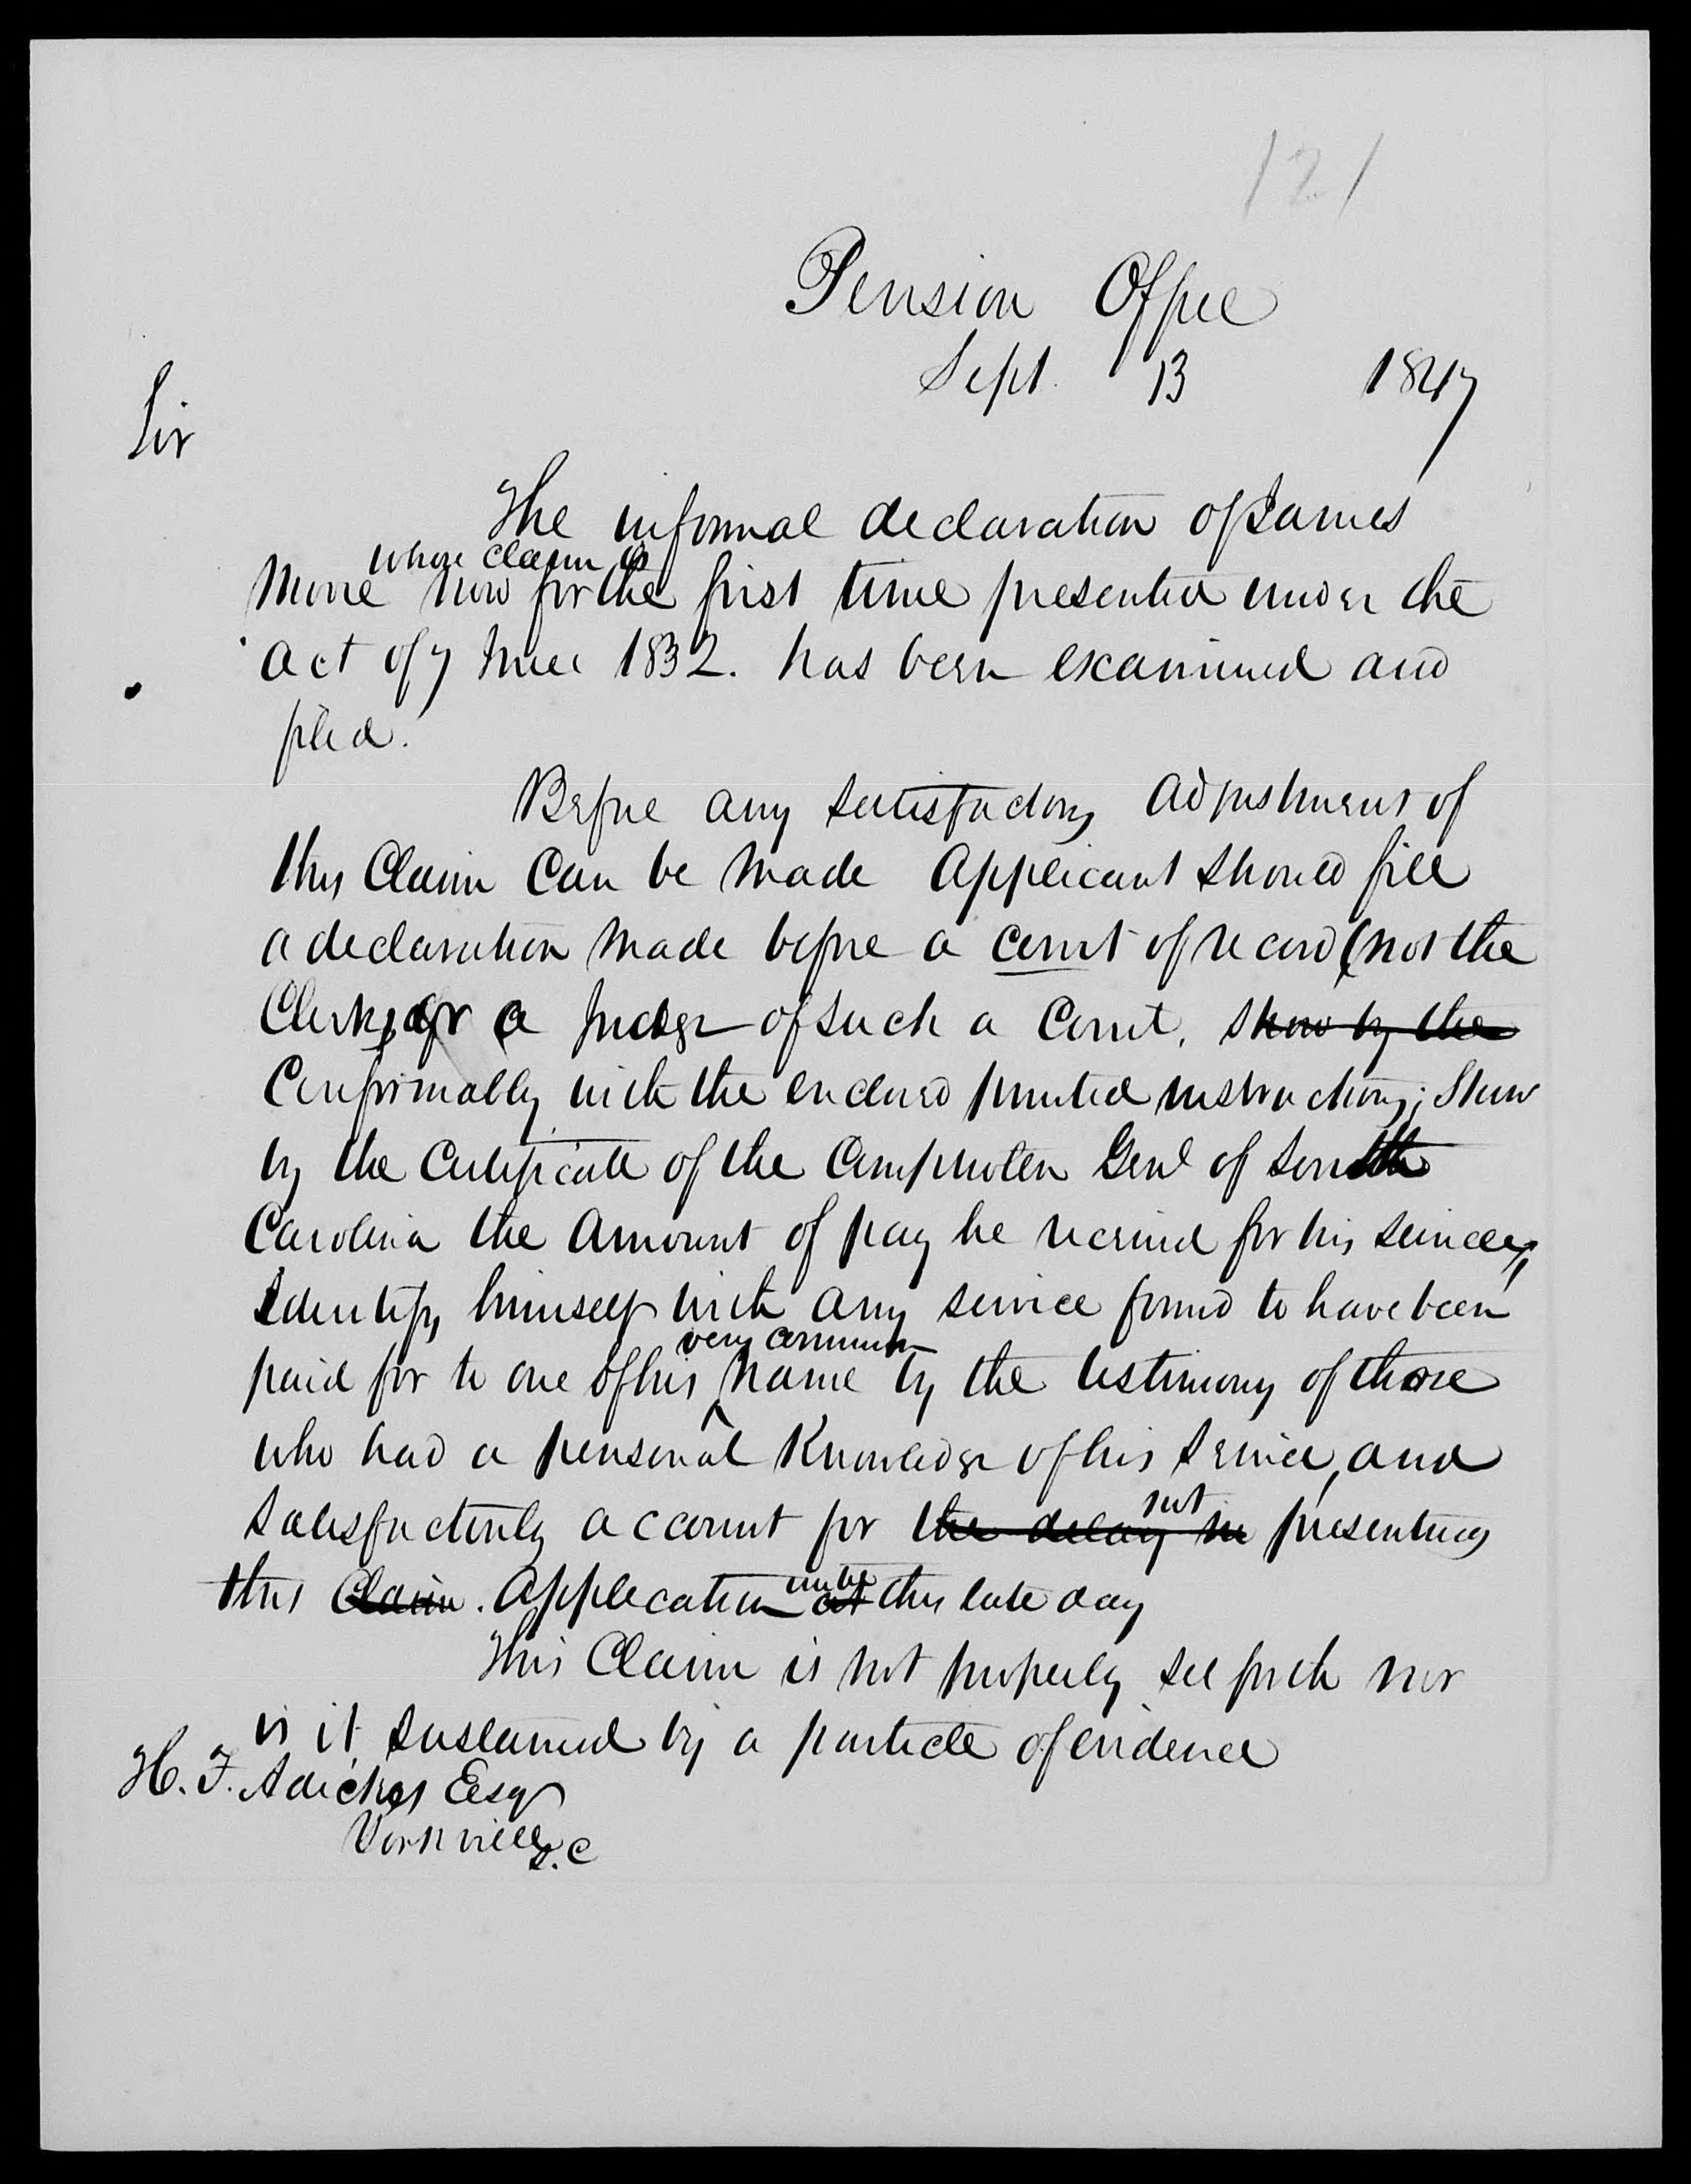121
Pension Office
Sept 13 1847
Sir
The informal declaration of James More whose claim is now for the first time presented under the act of 7 June 1832 has been examined and filed. 
Before any satisfactory adjustment of this claim can be made applicant should file a declaration made before a court of record (not the clerk or a judge of such a court [crossed out shew by the] conformally with the enclosed printed instructions; Shew by the certificate of the comptroller Genl of South Carolina the amount of pay he received for his service, identify himself with any service found to have been paid for to one of his very common name by the testimony of those who had a personal knowledge of his service and satisfactorly account for [crossed out the delayin] not presenting this [crossed out claim] application until this late day
This claim is not properly seepth nor is it sustained by a particle of evidence
HF Adickes Esq
Yorkville SC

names: James Moore; H F Adickes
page: 7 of 17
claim: rejected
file: R 7329, for James More, South Carolina